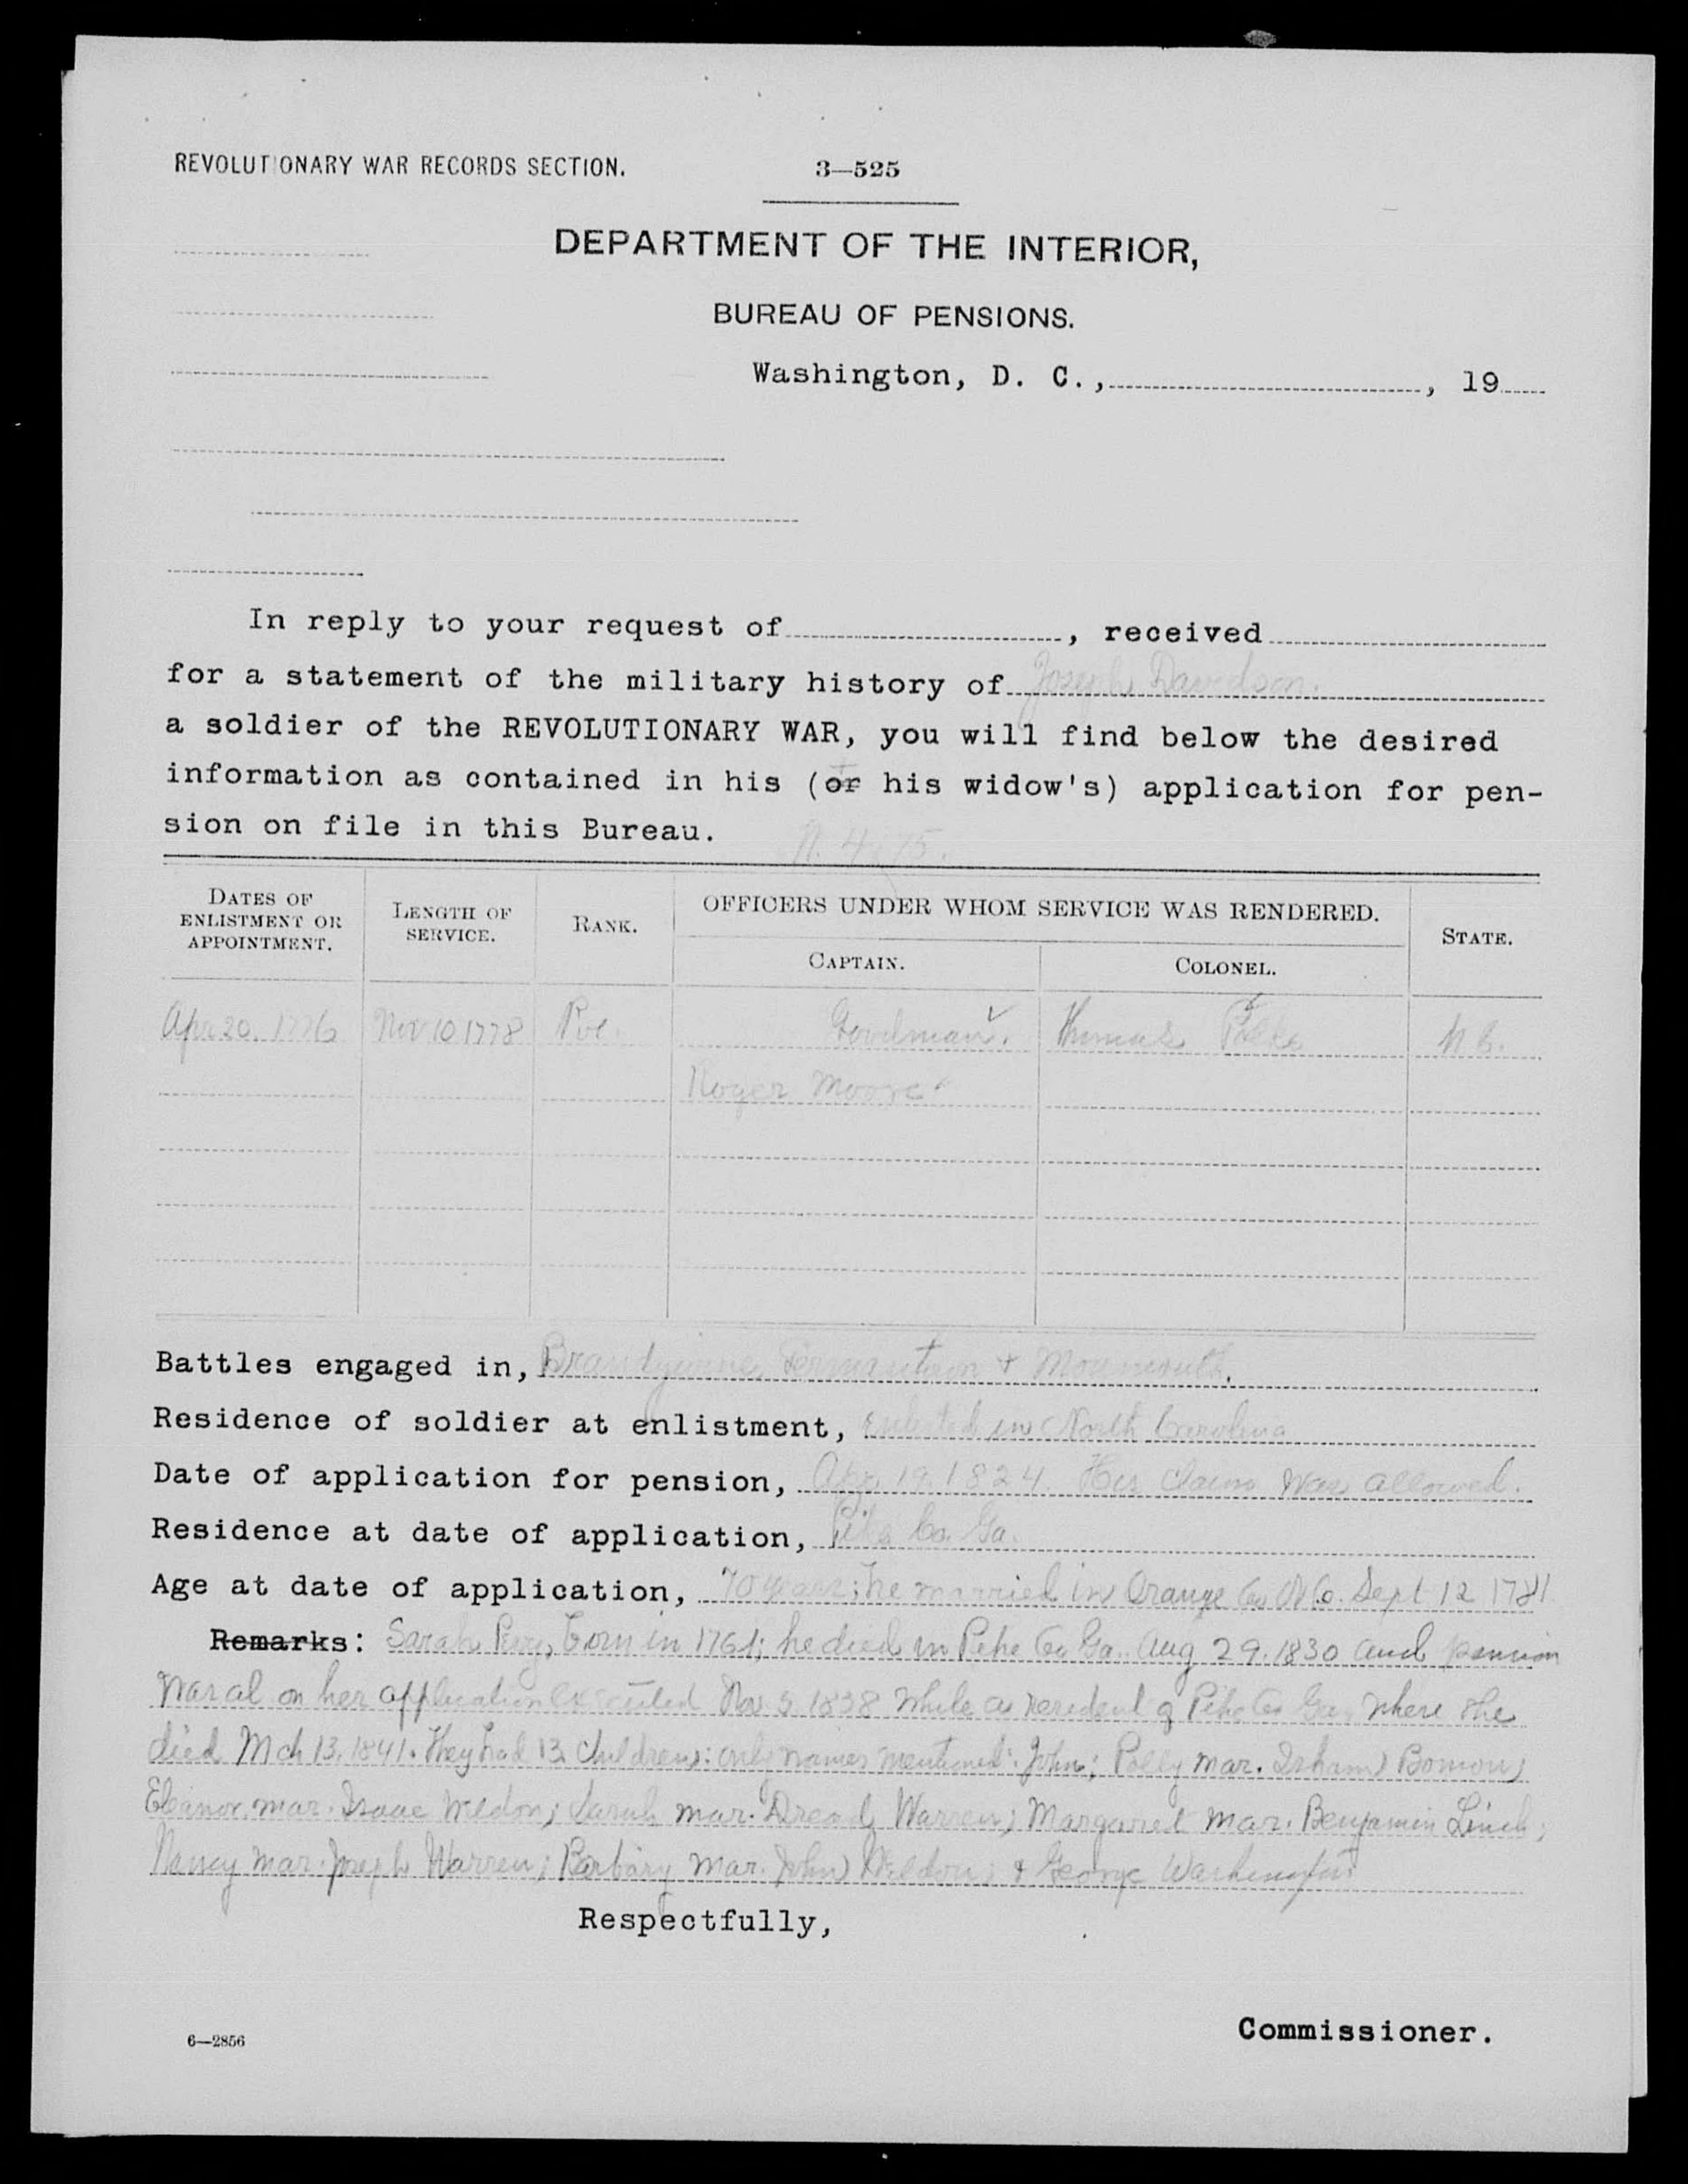REVOLUTIONARY WAR RECORDS SECTION.
3 -- 525
DEPARTMENT OF THE INTERIOR.
BUREAU OF PENSIONS.
Washington, D. C.
In reply to your request of__
received__
a statement of the military history of Joseph Davidson
soldier of the REVOLUTIONARY WAR, you will find below the desired
formation as contained in his (or his widow's) application for pension
on file in this Bureau.
DATES OF
ENLISTMENT OR
APPOINTMENT.
April 20. 1776
LENGTH OF
SERVICE.
November 10 1778
RANK-Private
OFFICERS UNDER WHOM SERVICE WAS RENDERED.
CAPTAIN. Goodman, Roger Moore
COLONEL. Thomas Polker
Battles engaged in, Brandywine and Monmouth
STATE.
Residence of soldier at enlistment, Enlisted in North Carolina
Date of application for pension, April 19 1824 His claim was allowed.
Residence at date of application, Pike County Georgia
Age at date of application, 70 years, he married in Orange County North Carolina September 12 1781  Sarah Peary born in 1761. he died in Pike County Georgia August 29, 1830 and pension
was allowed on her application executed November 5 1838 while a resident of Pike County Georgia where she died March 13, 1841. they had 13 Children: only names mentioned  John: Polly Married Isham Bomon,
Eleanor married Isaac Weldon, Sarah Marrried Dread Warren, Margaret Married Benjamin Linch
Nancy Married Joseph Warren, Barbary Married John Weldon  George Washington
Respectfully,
6 -- 2856
Commissioner.
Download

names: Barbary, Saml, Benjamin Linch, Goudman, Eleanor, John Polly, Thomas Polker, Dread Warren, Roger Moore, Isham Bomon, Margaret, George Washington, Joseph Warren, Isaac Weldon, John Davidson, John Weldon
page: 58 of 63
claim: widow's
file: W. 4175, Joseph Davidson, N.C.